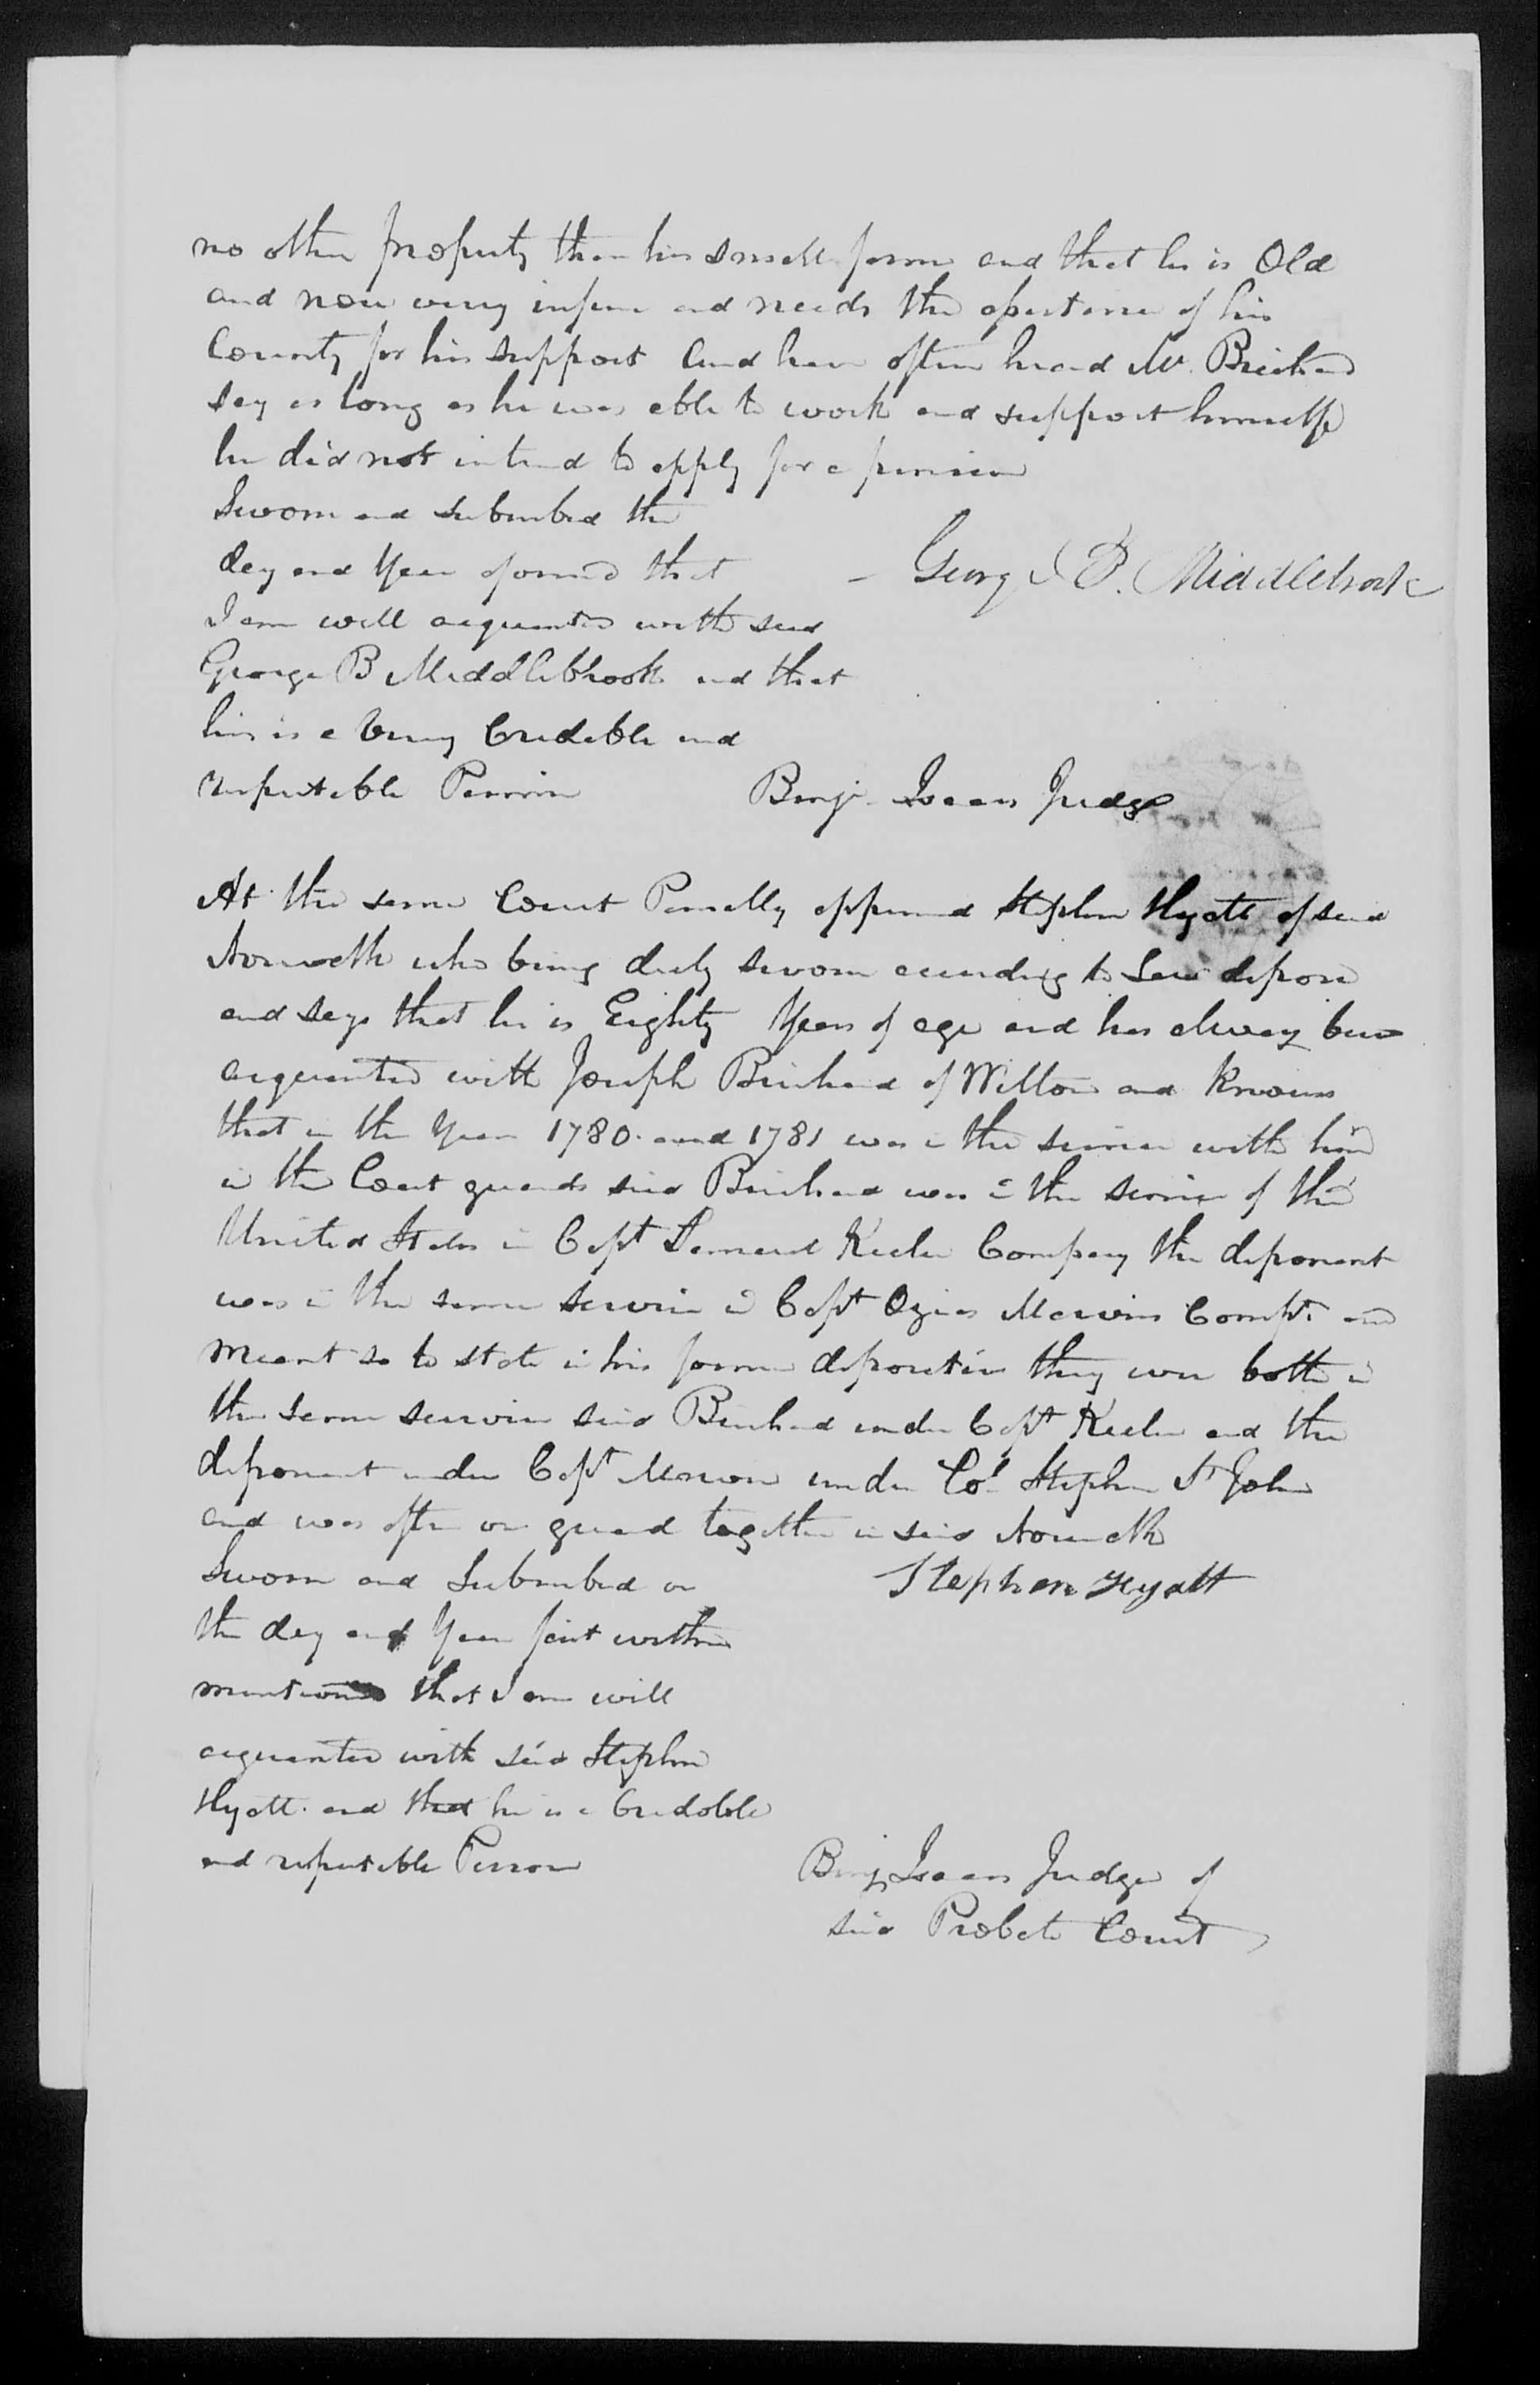no other property than his small farm and that his is old and now very infirm and needs the assistance of his County for his support and has often heard Jo. Bichard say as long as he was able to work and support himself he did not intend to apply for apply for a pension.
George B. Middlebrook

Sworn and Subscribed the day and year aforesaid that I am well acquainted with said George B. Middlebrook and that he is a very credible and respectable person. 
Benj. Isaac, Judge

At this same Court personally appeared a Stephen Hyatt of said Norwalk who being duly sworn according to law depose and says that he is Eighty years of age and has always been acquainted with Joseph Birchard of Wilton and knows that in the year 1780 or 1781 was in the service with him in the Coast guards said Birchard was in the service  of this United States in Capt. Samuel Keels Company, the deponent was in the same service in Capt. [illegible] Mason Company and meant so to state in his formal deposition they were both in the same service, said Birchard under Capt. Keels and the deponent under Capt. Mason under Col. Stephen St. John and was often on guard together in said Norwalk
        Stephen Hyatt
Sworn and subscribed on this day and year saith within mentioned that I am well acquainted with said Stephen Hyatt and that he is a credible and respectable person. 
Benj. Isaac Judge of said Probate Court.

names: George B Middlebrook, Stephn Hyatt, Benj Isaacs, Birchard, George B Middlebrook, Stephen Hyatt, Stephen St John, Birchard, Birchard, Benj Isaacs, Joseph Birchard, Mason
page: 7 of 18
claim: rejected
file: R. 844, Joseph Birchard, Conn.